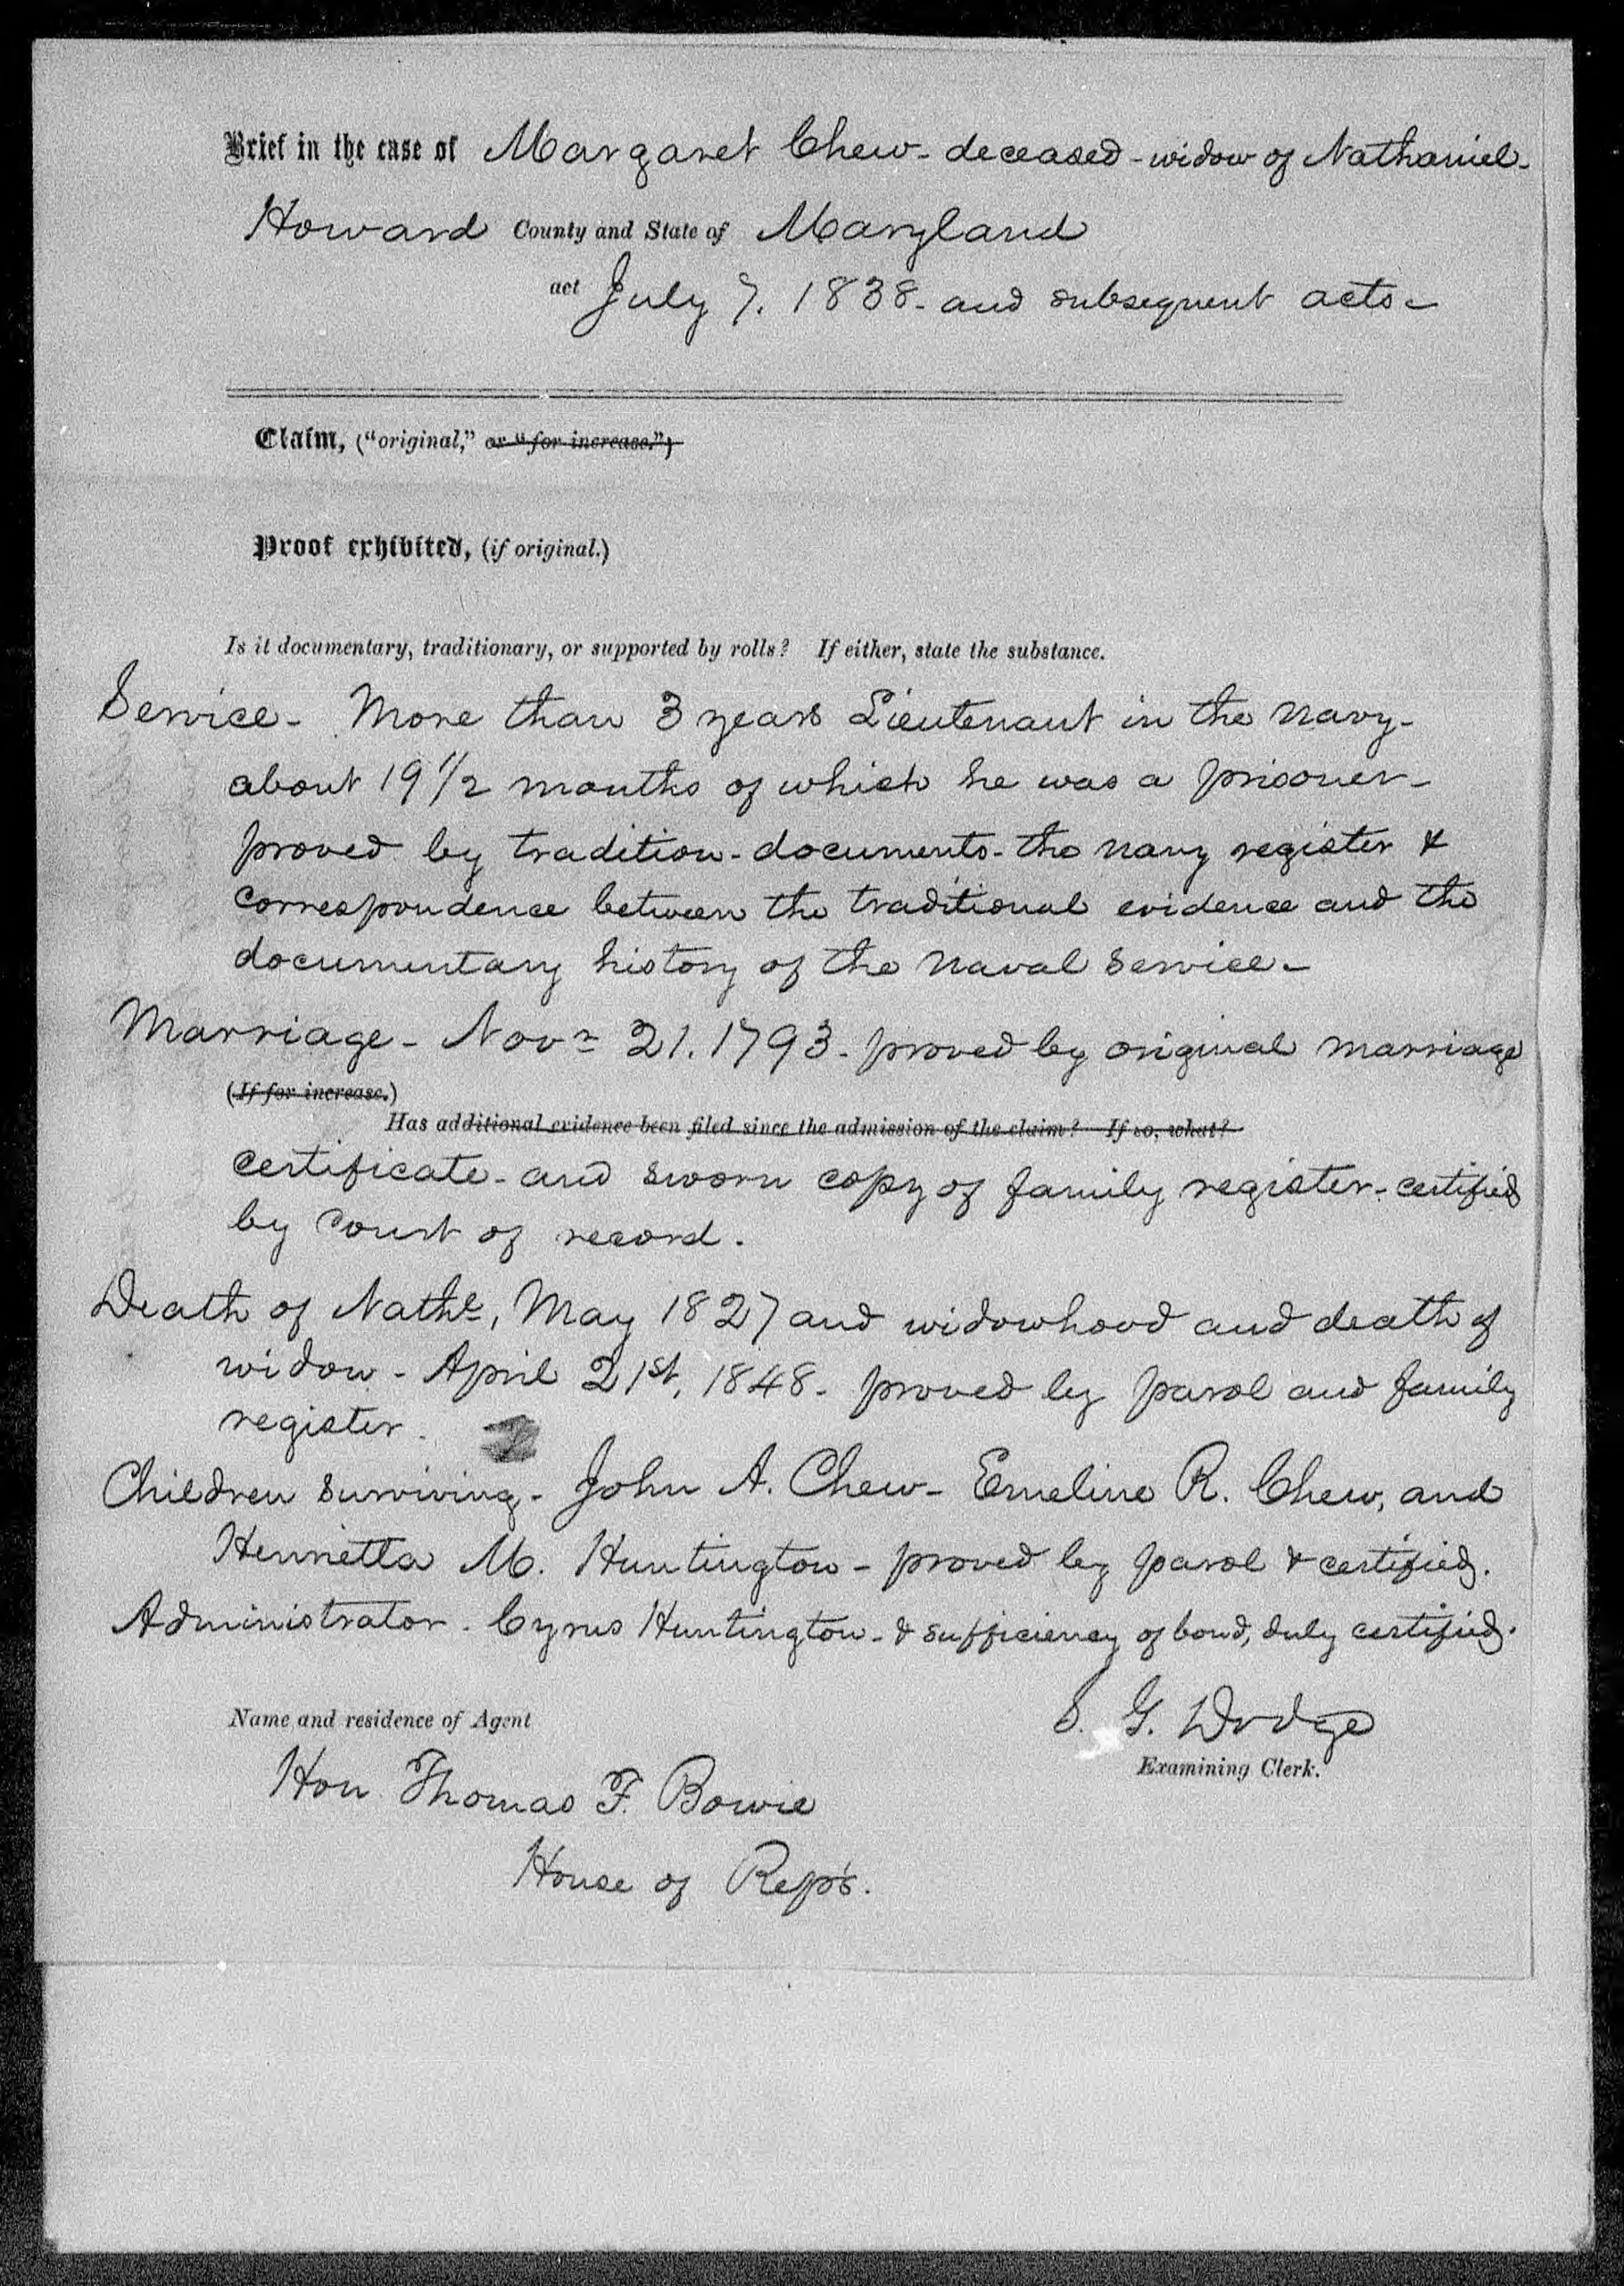[handwritten on pre-printed form]
Brief in the case of Margaret Chew - deceased - widow of Nathaniel.
Howard County and State of Maryland
act July 7, 1838 - and subsequent acts - 

Claim, ("original," [or "for increase" crossed out]

Proof exhibited, (if original.)

Is it documentary, traditionary, or supported by rolls? If either, state the substance.
Service - More than 3 years Lieutenant in the Navy - about 19 1/2 months of which he was a prisoner - proved by tradition - documents - the navy register & correspondence between the traditional evidence and the documentary history of the naval service - 
Marriage - Novr 21, 1793 - proved by original marriage certificate - and sworn copy of family register - certified by court of record. 

[crossed out (If for increase.) Has additional evidence been filed since the admission of the claim? if so, what?]

Death of Nathl., May 1827 and widowhood and death of widow - April 21st, 1848 - proved by parol and family register.
Children Surviving - John A. Chew - Emeline R. Chew, and Henrietta M. Huntington - proved by parol & certified.
Administrator - Cyrus Huntington. & sufficiency of bond, duly certified.
[signed} S. G. Dodge Examining Clerk.
Name and residence of Agent
Hon Thomas F. Bowie 
House of Rep's.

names: John A Chew, Henrietta M Huntington, Emeline R Chew, Nathl, Thomas F Bowie, Nathaniel Howard, Cyrus Huntington, Margaret Chew, S G Dodge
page: 44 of 59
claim: widow's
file: W. 9383, Nathaniel Chew, Navy (Md.)